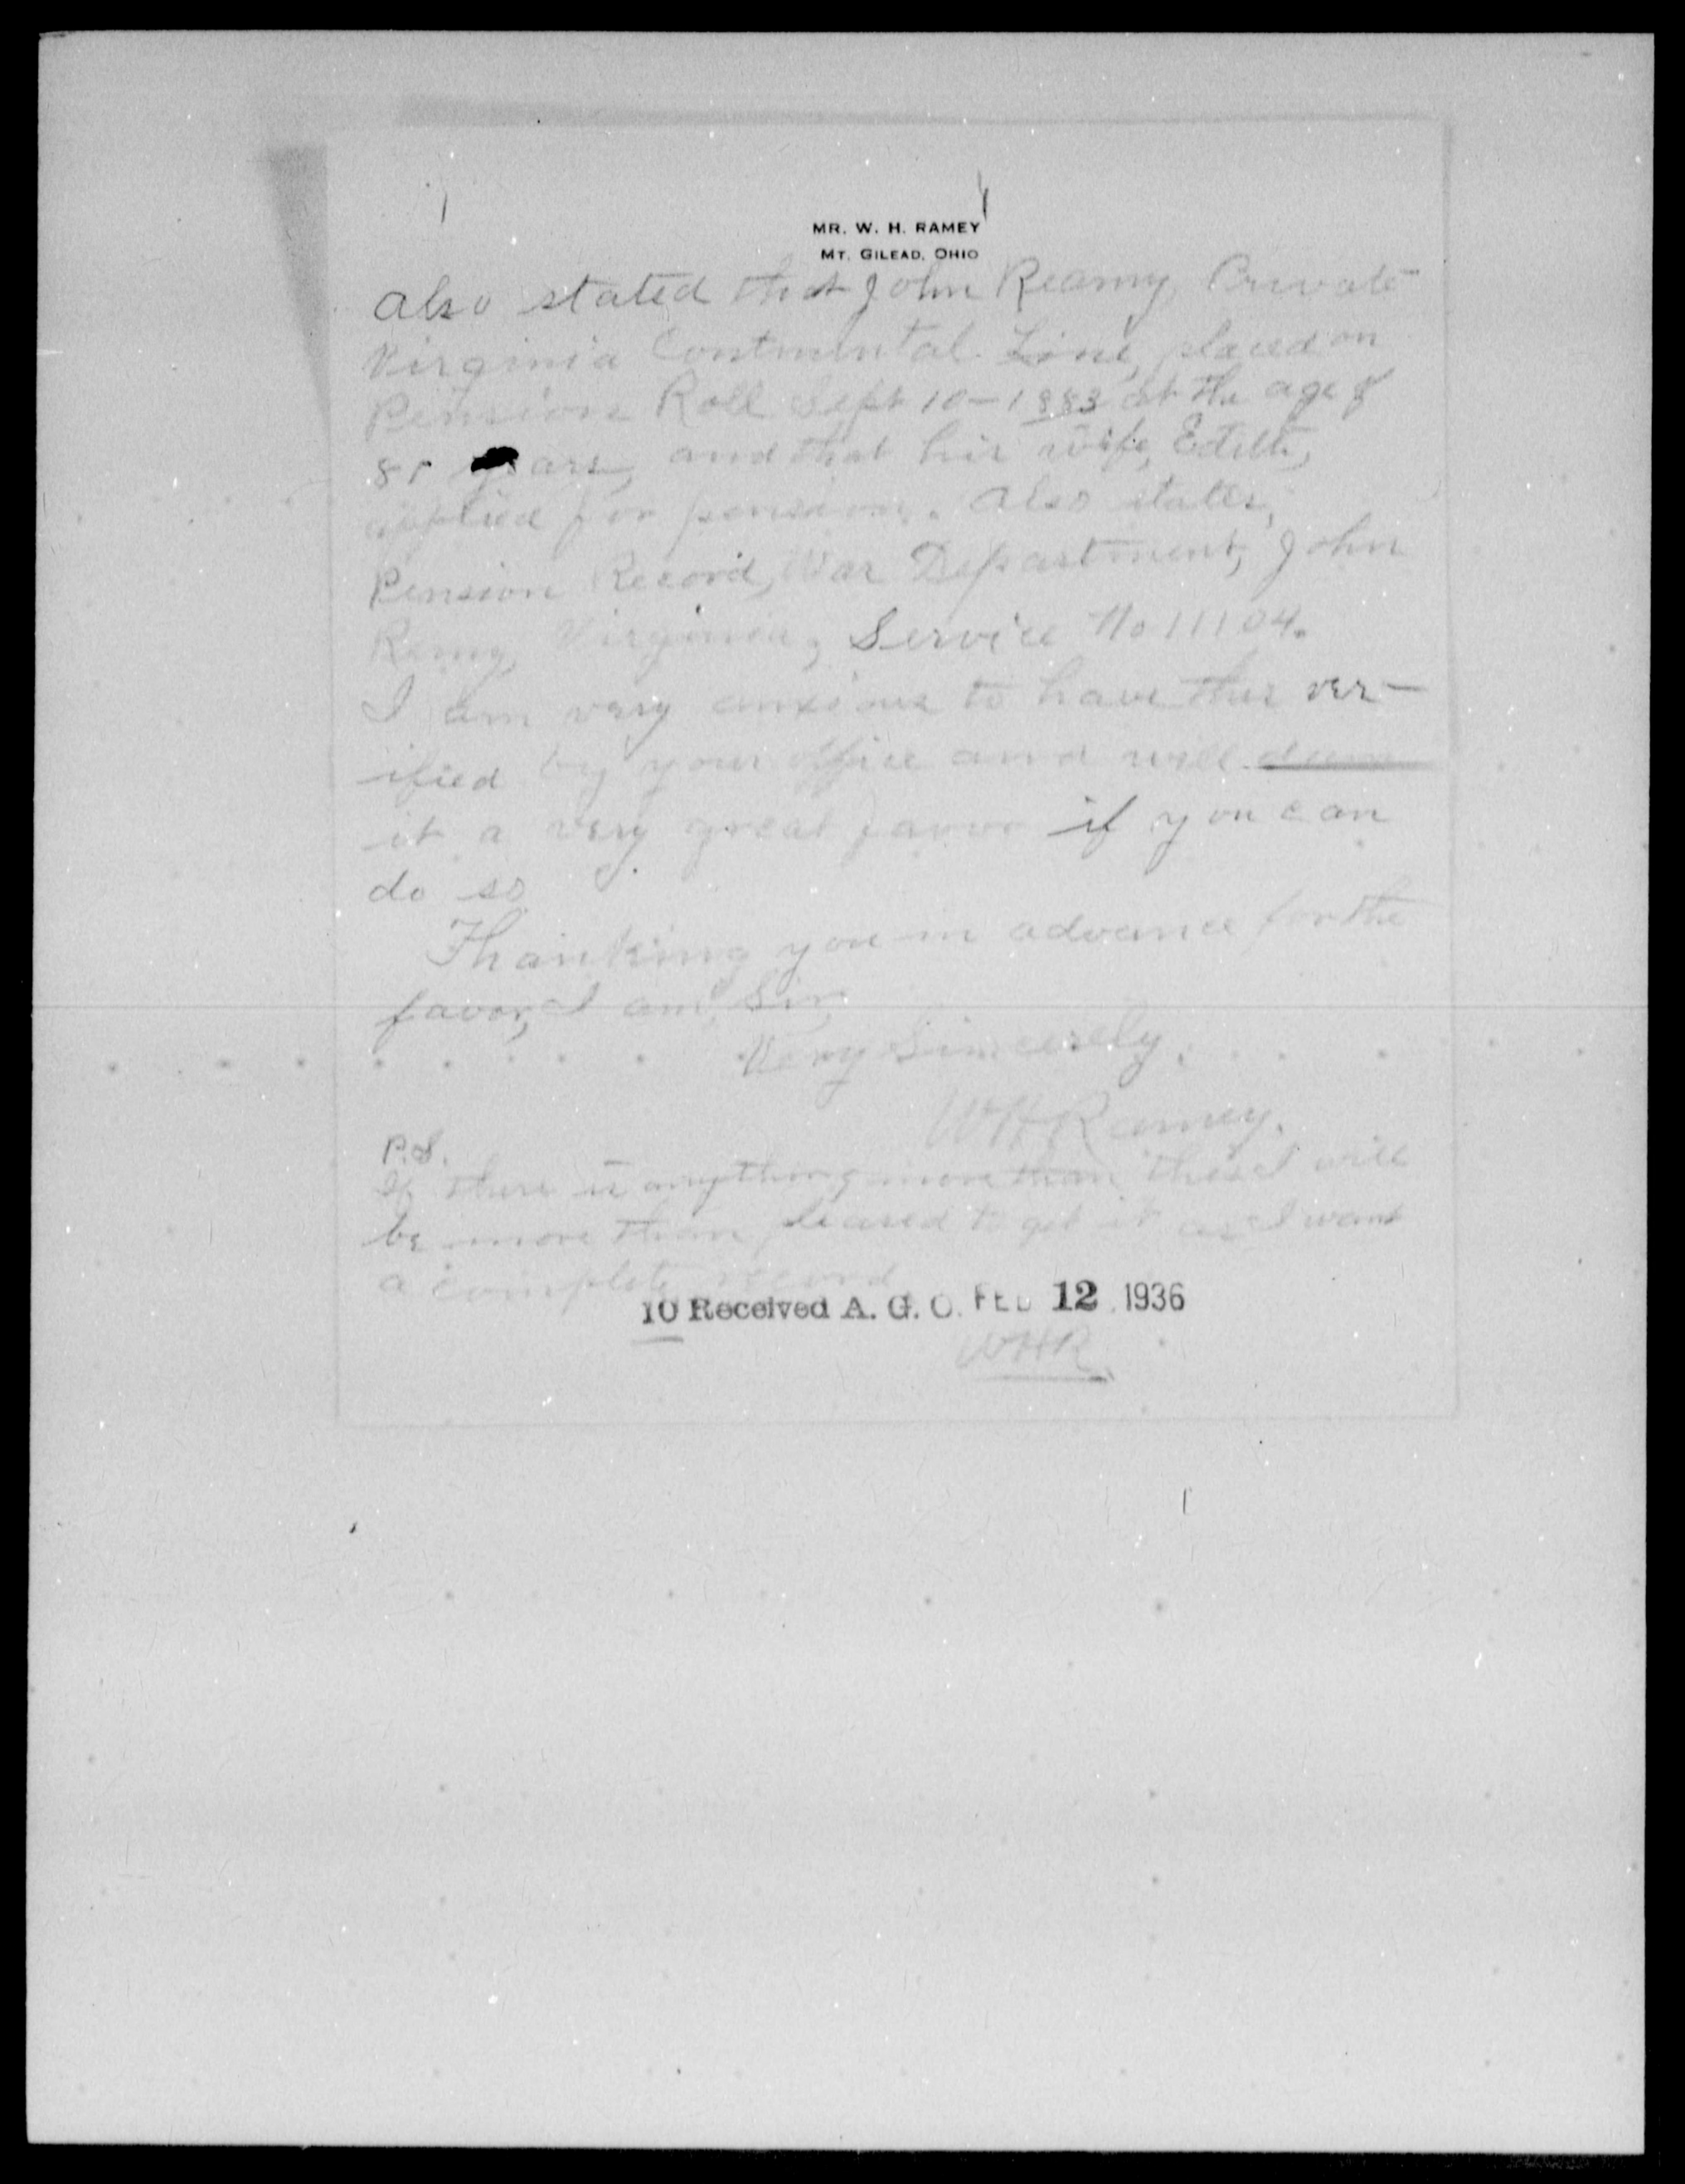MR. W. H. RAMEY
MT. GILEAD, OHIO
Also stated that John Reamy, Private Virginia Continental Line, placed on Pension Roll Sept 10 - 1883 at the age of 85 years, and that his wife, Edith, applied for pensions. Also states, Pension Record, War Department, John Remy, Virginia, Service No. 11104.
I am very anxious to have this verified by your office and will deem it a very great favor if you can do so
Thanking you in advance for the favor, I am, Sir,
Very Sincerely,
W H Ramey,
P.S.
If there is anything other than this I will be more than pleased to get it as I want a complete record
10 Received A. G. O. FEB 12 1936
WHR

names: W H Ramey; Edith [BLANK]; John Remy; John Reamy; W H Ramey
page: 52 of 84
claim: widow's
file: W.11104, for John Remay, Virginia